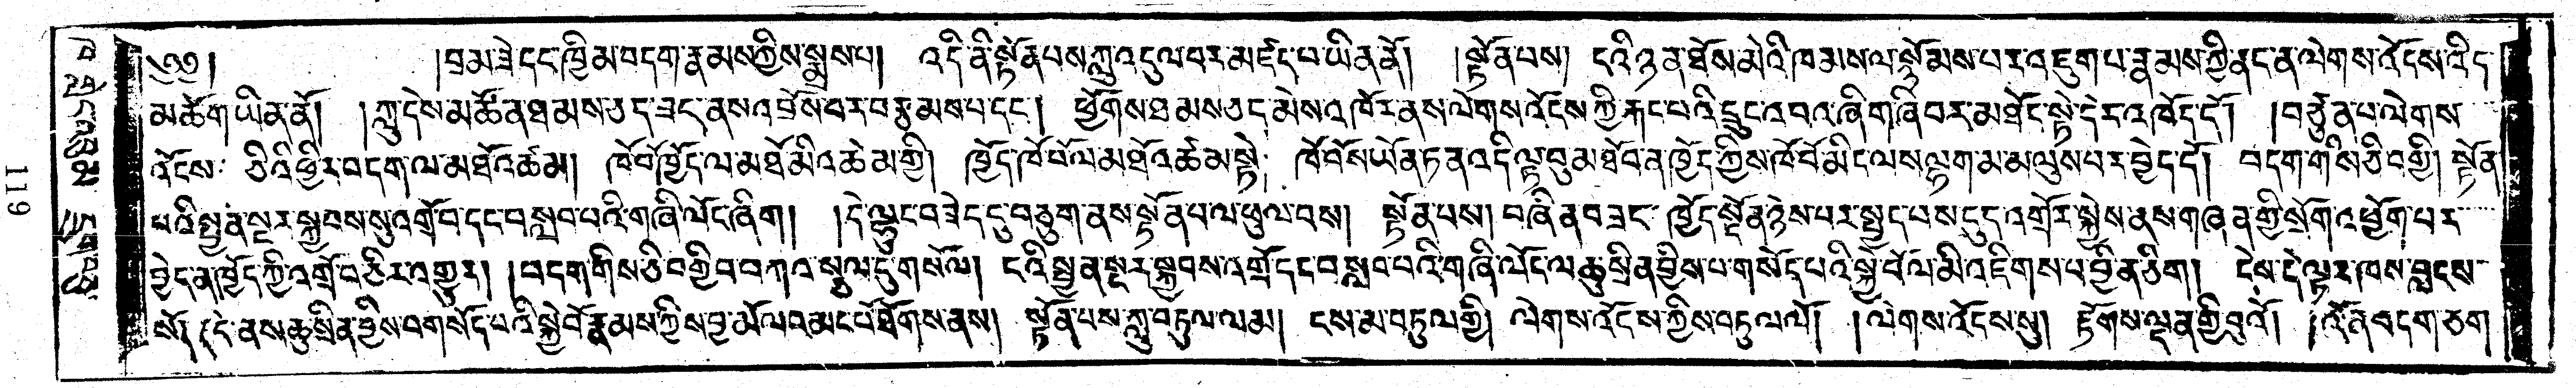༄༅། །བྲམ་ཟེ་དང་ཁྱིམ་བདག་རྣམས་ཀྱིས་སྨྲས་པ། འདི་ནི་སྟོན་པས་ཀླུ་འདུལ་བར་མཛད་པ་ཡིན་ནོ། །སྟོན་པས། ངའི་ཉན་ཐོས་མེའི་ཁམས་ལ་སྙོམས་པར་འཇུག་པ་རྣམས་ཀྱི་ནང་ན་ལེགས་འོངས་འདི་
མཆོག་ཡིན་ནོ། །ཀླུ་དེས་མཚོན་ཐམས་ཅད་ཟད་ནས་འབྲོས་བར་བརྩམས་པ་དང་། ཕྱོགས་ཐམས་ཅད་མེས་འཁོར་ནས་ལེགས་འོངས་ཀྱི་རྐང་པའི་དྲུང་འབའ་ཞིག་ཞི་བར་མཐོང་སྟེ་དེར་འཁོད་དོ། །བཙུན་པ་ལེགས་
འོངས༑ ཅིའི་ཕྱིར་བདག་ལ་མཐོ་འཚམ། ཁོ་བོ་ཁྱོད་ལ་མཐོ་མི་འཆེམ་གྱི། ཁྱོད་ཁོ་བོ་ལ་མཐོ་འཚམ་སྟེ། ཁོ་བོས་ཡོན་ཏན་འདི་ལྟ་བུ་མ་ཐོབ་ན་ཁྱོད་ཀྱིས་ཁོ་བོ་མིང་ལས་ལྷག་མ་མ་ལུས་པར་བྱེད་དོ། །བདག་གིས་ཅི་བགྱི། སྟོན་
པའི་སྤྱན་སྔར་སྐྱབས་སུ་འགྲོ་བ་དང་བསླབ་པའི་གཞི་ལོང་ཞིག། །དེ་ལྷུང་བཟེད་དུ་བཅུག་ནས་སྟོན་པ་ལ་ཕུལ་བས། སྟོན་པས། བཞིན་བཟང༑ ཁྱོད་སྔོན་ཉེས་པར་སྤྱད་པས་དུད་འགྲོར་སྐྱེས་ནས་གཞན་གྱི་སྲོག་འཕྱོག་པར་
བྱེད་ན་ཁྱོད་ཀྱི་འགྲོ་བ་ཅིར་འགྱུར། །བདག་གིས་ཅི་བགྱིབ་བཀའ་སྩལ་དུ་གསོལ། ངའི་སྤྱན་སྔར་སྐྱབས་འགྲོ་དང་བསླབ་པའི་གཞི་ལོང་ལ་ཆུ་སྲིན་བྱིས་པ་གསོད་པའི་སྐྱེ་བོ་ལ་མི་འཇིགས་པ་བྱིན་ཅིག། དེས་དེ་ལྟར་ཁས་བླངས་
སོ༑ ༑དེ་ནས་ཆུ་སྲིན་བྱིས་པ་གསོད་པའི་སྐྱེ་བོ་རྣམས་ཀྱིས་བྱ་མོ་ལའང་མང་པོ་ཐོགས་ནས། སྟོན་པས་ཀླུ་བཏུལ་ལམ། ངས་མ་བཏུལ་གྱི། ལེགས་འོངས་ཀྱིས་བཏུལ་ལོ། །ལེགས་འོངས་སུ། རྟོགས་ལྡན་གྱི་བུའོ། །འོ་ན་བདག་ཅག་